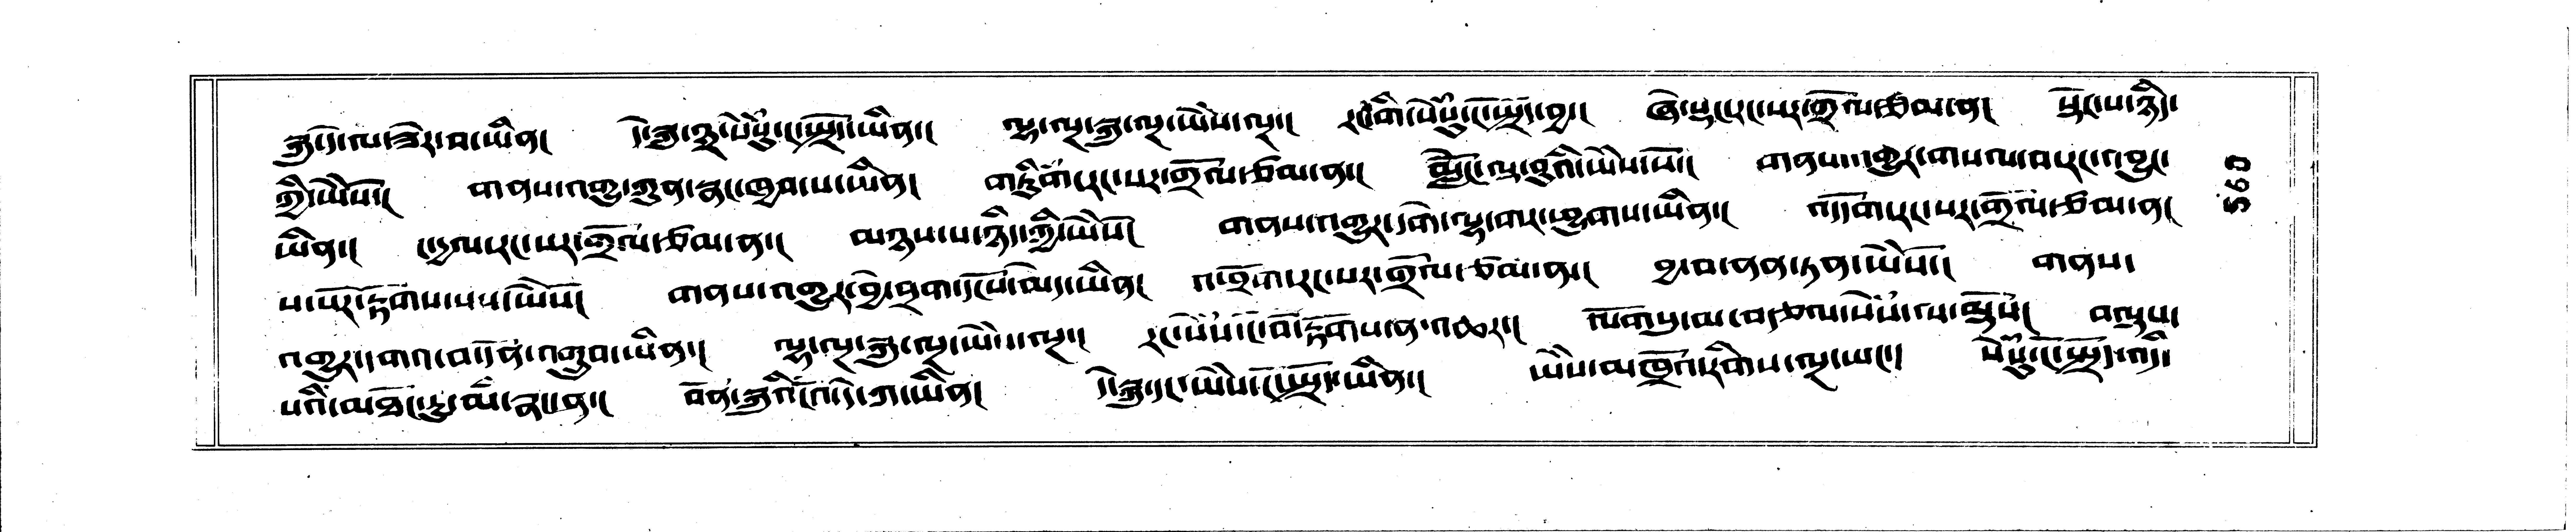སྐུ་དེ་ལ་ཟེར་བ་ཡིན། དེ་སྐུ་གསུམ་སེམས་སུ་ངོ་སྤྲོད་ཡིན། ལྷ་ལྔ་སྐུ་ལྔ་ཡེ་ཤེས་ལྔ། རང་གིས་སེམས་སུ་ངོ་སྤྲོད་བྱ། ཞེ་སྡང་རང་སར་གྲོལ་ཙམ་ན། སྟོང་པ་ཉིད་
ཀྱི་ཡེ་ཤེས་སོ། གནས་འགྱུ་ཀུན་སྣང་ཁྱབ་པ་ཡིན། གཏི་མུག་རང་སར་གྲོལ་ཙམ་ན། མེ་ལོང་ལྟ་བུའི་ཡེ་ཤེས་སོ། གནས་འགྱུར་གསལ་བ་རང་འབྱུང་
ཡིན། ང་རྒྱལ་རང་སར་གྲོལ་ཙམ་ན། མཉམ་པ་ཉིད་ཀྱི་ཡེ་ཤེས་སོ། གནས་འགྱུ་དགེ་ལྷ་གར་ཕྱུག་ཡིན། འདོད་ཆགས་རང་སར་གྲོལ་ཙམ་ན། 
སོ་སོར་རྟོགས་པའི་ཡེ་ཤེས་སོ། གནས་འགྱུར་བྱེ་བྲག་དངོས་མེད་ཡིན། འཕྲག་དོག་རང་སར་གྲོལ་ཙམ་ན། བྱ་བ་ནན་ཏན་ཡེ་ཤེས་སོ། གནས་
འགྱུར་དགའ་བ་དོན་གྲུབ་ཡིན། ལྷ་ལྔ་སྐུ་ལྔ་ཡེ་ཤེས་ལྔ། རང་སེམས་ངོའོ་རྟོགས་ན་འཆར། ལོགས་སུ་མ་བརྩལ་སེམས་ལ་ལྟོས། བལྟས་
པས་མཐོང་རྒྱུ་མི་སྣང་ན། བོན་སྐུའི་ངོའོ་དེ་ཀ་ཡིན། དེ་སྐུ་དང་ཡེ་ཤེས་ངོ་སྤྲོད་ཡིན། ཡེ་ཤེས་མཁའ་འགྲོ་རིགས་ལྔ་ཡང་། སེམས་སུ་ངོ་སྤྲོད་འདི་